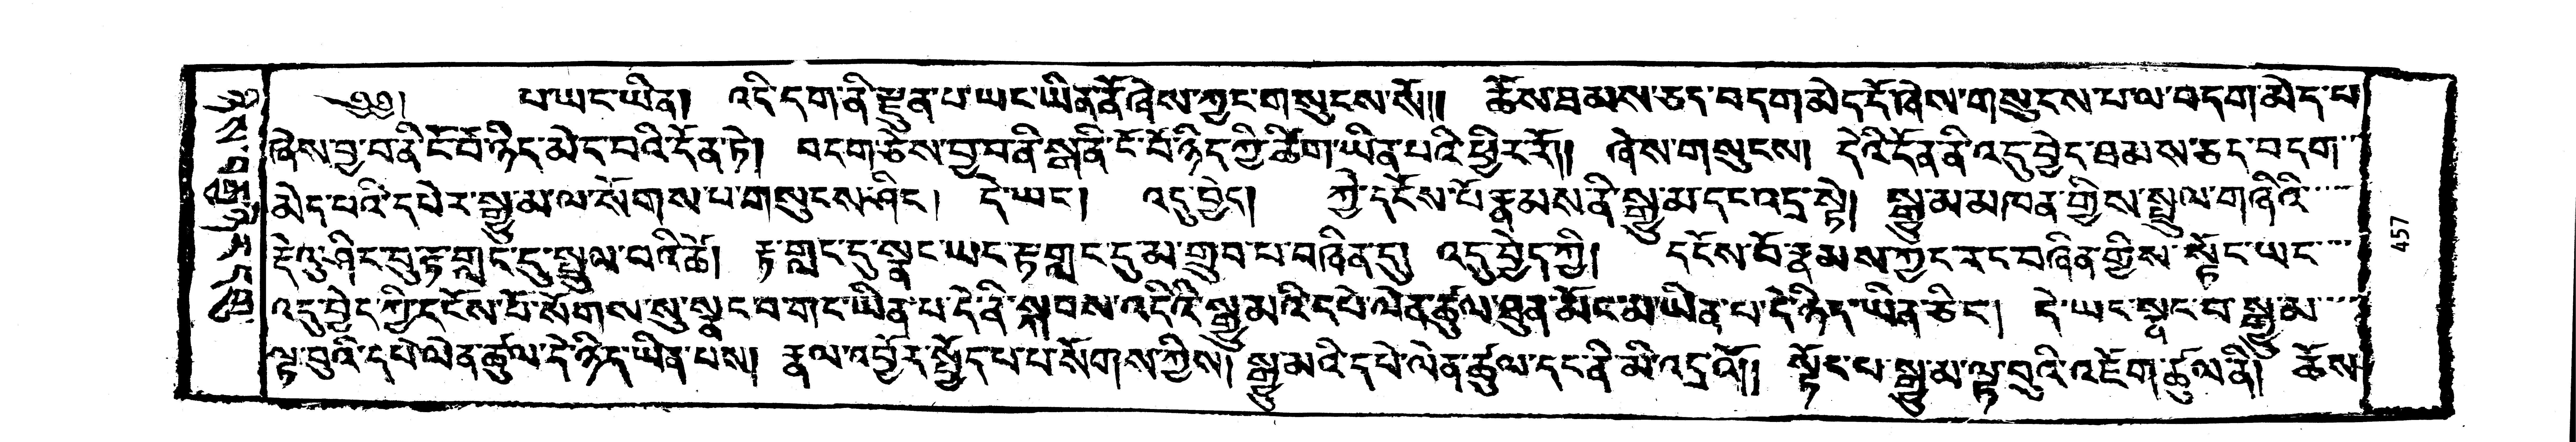༄༅། །པ་ཡང་ཡིན། འདི་དག་ནི་རྫུན་པ་ཡང་ཡིན་ནོ་ཞེས་ཀྱང་གསུངས་སོ། །ཆོས་ཐམས་ཅད་བདག་མེད་དོ་ཞེས་གསུངས་པ་ལ་བདག་མེད་པ་
ཞེས་བྱ་བ་ནི་ངོ་བོ་ཉིད་མེད་པའི་དོན་ཏེ། བདག་ཅེས་བྱ་བ་ནི་སྒ་ནི་ངོ་བོ་ཉིད་ཀྱི་ཚིག་ཡིན་པའི་ཕྱིར་རོ། །ཞེས་གསུངས། དེའི་དོན་ནི་འདུ་བྱེད་ཐམས་ཅད་བདག་
མེད་པའི་དཔེར་སྒྱུ་མ་ལ་སོགས་པ་གསུངས་ཤིང་། དེ་ཡང་། འདུ་བྱེད། ཀྱི་དངོས་པོ་རྣམས་ནི་སྒྱུ་མ་དང་འདྲ་སྟེ། སྒྱུ་མ་མཁན་གྱིས་སྤྲུལ་གཞིའི་
རྡེའུ་ཤིང་བུ་རྟ་གླང་དུ་སྤྲུལ་བའི་ཚེ། རྟ་གླང་དུ་སྣང་ཡང་རྟ་གླང་དུ་མ་གྲུབ་པ་བཞིན་དུ། འདུ་བྱེད་ཀྱི། དངོས་པོ་རྣམས་ཀྱང་རང་བཞིན་གྱིས་སྟོང་ཡང་
འདུ་བྱེད་ཀྱི་དངོས་པོ་སོགས་སུ་སྣང་བ་གང་ཡིན་པ་དེ་ནི་སྐབས་འདིའི་སྒྱུ་མའི་དཔེ་ལེན་ཚུལ་ཐུན་མོང་མ་ཡིན་པ་དེ་ཉིད་ཡིན་ཅིང་། དེ་ཡང་སྣང་བ་སྒྱུ་མ་
ལྟ་བུའི་དཔེ་ལེན་ཚུལ་དེ་ཉིད་ཡིན་པས། རྣལ་འབྱོར་སྤྱོད་པ་པ་སོགས་ཀྱིས། སྒྱུ་མའི་དཔེ་ལེན་ཚུལ་དང་ནི་མི་འདྲའོ། །སྟོང་པ་སྒྱུ་མ་ལྟ་བུའི་འཇོག་ཚུལ་ནི། ཆོས་